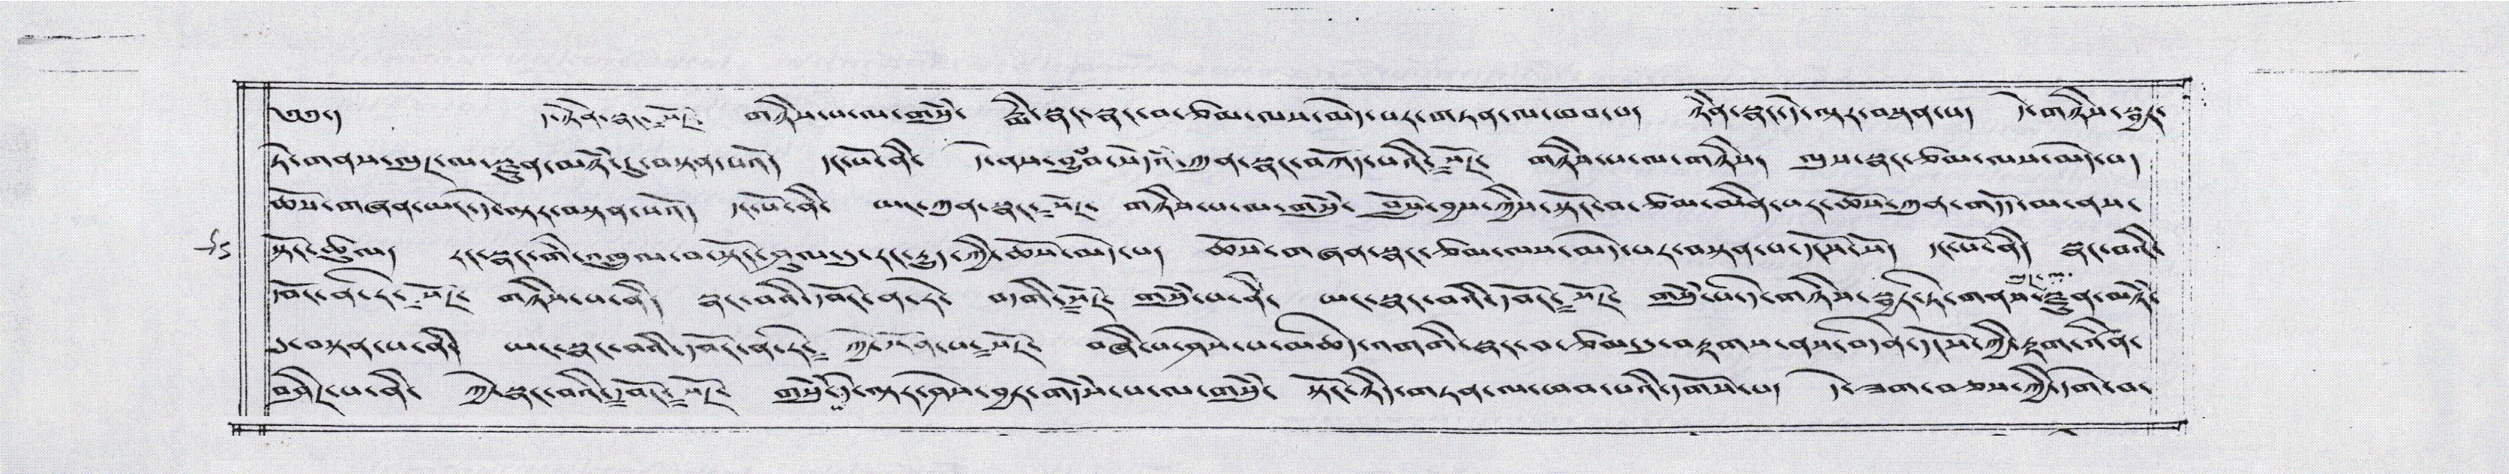ད་ཉིན་སྣང་་་སོགས། གཉིས་པ་ལ་གསུམ། རྨི་སྣང་སྣང་བ་ཙམ་ལས་མེད་པར་གཏན་ལ་ཕབ་པ། ཉིན་སྣང་དེ་ལྟར་བསྟན་པ། དེ་གཉིས་སྦྱར་
ཏེ་གནས་ལུགས་ལ་རྫུན་མཉམ་དུ་བསྟན་པའོ། དང་པོ་ནི། དེ་ནས་བྱང་ཆུབ་སེམས་དཔའི་ཀུན་སྣང་བཀོད་པའི་་་སོགས། གཉིས་པ་ལ་གཉིས། ལུས་སྣང་ཙམ་ལས་མེད་པ། 
ཆོས་གཞན་ཡང་དེ་ལྟར་བསྟན་པའོ། དང་པོ་ནི། མང་ཀུན་སྣང་་་སོགས། གཉིས་པ་ལ་གསུམ། བློས་བྱས་ཀྱིས་སྟོང་བ་ཙམ་མིན་པར་ཆོས་ཀུན་གདོད་མ་ནས་
སྟོང་ཚུལ། རང་སྣང་གི་འཁྲུལ་བ་སྟོང་ཤུལ་དུ་རང་རྒྱུད་ཀྱི་ཆོས་མེད་པ། ཆོས་གཞན་སྣང་ཙམ་ལས་མེད་པར་བསྟན་པ་དངོས་སོ། དང་པོ་ནི། སྣང་བའི་
དབང་པོ་ན་རེ་་་སོགས། གཉིས་པ་ནི། སྣང་བའི་དབང་པོ་ན་རེ། བདག་གི་་་་སོགས། གསུམ་ཡིན། ཡང་སྣང་བའི་དབང་པོ་་་སོགས། གསུམ་པ་དེ་གཉིས་སྦྱར་ཏེ་གནས་ལུགས་ལ་རྫུན་མཉམ་
དུ་བསྟན་པ་ནི། ཡང་སྣང་བའི་དབང་པོ་ན་རེ། ཀྱེ་སོན་པ་་་སོགས། བཞི་པ་ཤེས་པ་མཆེད་འགག་གི་སྣང་བ་ཙམ་དུ་བརྟགས་ནས་བདེན་དངོས་ཀྱི་རྟག་འཛིན་
བཤིགས་པ་ནི། ཀྱེ་སྣང་བའི་དབང་པོ་་་སོགས། གསུམ་པ་དེ་ལྟར་ཤེས་བྱར་གདམས་པ་ལ་གསུམ། སྟོང་ཉིད་གཏན་ལ་ཕབ་པའི་དགོས་པ། དེ་ཟག་བཅས་ཀྱི་དགེ་བ་